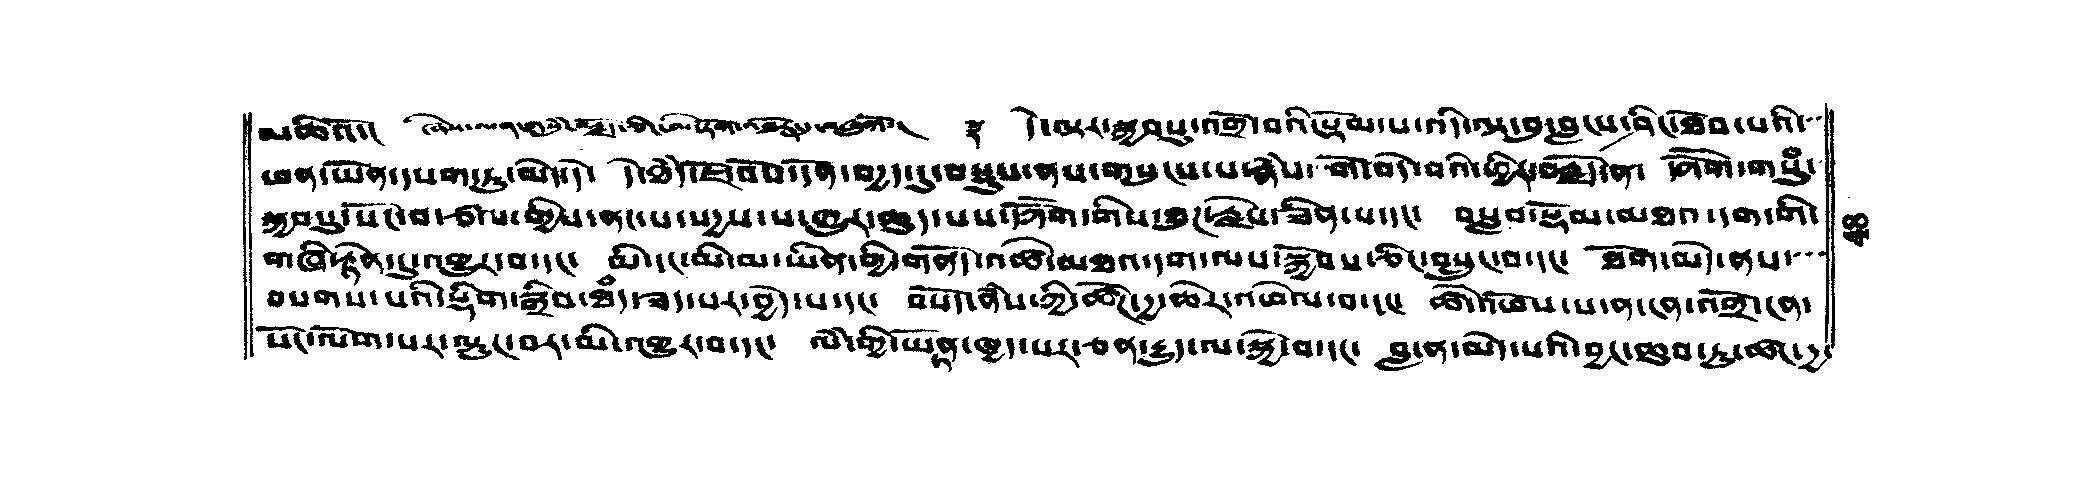མཆིའོ། ཞེས་ལན་གསུམ་བརྗོད་ཅིང་མེ་ཏོག་ཐོར་དུ་བཞུག་གོ ༈ དེ་ལྟར་སྐྱབས་སུ་འགྲོ་བའི་སྡོམ་པ་འདི་ལྟ་བུ་བླངས་ཤིང་ཐོབ་པའི་
ཕན་ཡོན་དཔག་ཏུ་མེད་དོ། དེ་ཐམས་ཅད་ཇོ་བོས་དོན་བརྒྱད་དུ་བསྡུས་ནས་གསུངས་པ་རྣམས་གོ་བདེ་བའི་ཕྱིར་བརྗོད་ན། དཀོན་མཆོག་གསུམ་
སྐྱབས་སུ་སོང་བ་ཙམ་གྱིས་ནང་པ་སངས་རྒྱས་པ་ཁྱུར་ཆུད་པས་དཀོན་མཆོག་གིས་ཐུགས་རྗེས་ཟིན་པ་དང་། བསླབ་སྡོམ་མཐའ་དག་གི་
གཞི་རྟེན་དུ་འགྱུར་བ་དང་། མི་དང་མི་མ་ཡིན་གྱི་གནོད་འཚེ་མཐའ་དག་ལས་སྐྱོབས་ཅིང་བསྲུང་བ་དང་། ཐོག་མེད་ནས་
བསགས་པའི་སྡིག་སྒྲིབ་ཐམས་ཅད་ཟད་པར་བྱེད་པ་དང་། བསོད་ནམས་ཀྱི་ཚོགས་རྒྱ་ཆེར་འཕེལ་བ་དང་། ཚེ་འཕོས་པ་ན་ངན་འགྲོ་ངན་
སོང་ལོག་པར་ལྟུང་བར་མི་འགྱུར་བ་དང་། ལམ་གྱི་ཡོན་ཏན་ཁྱད་པར་ཅན་རྒྱུད་ལ་སྐྱེ་བ་དང་། བླ་ན་མེད་པའི་བྱང་ཆུབ་ཚང་རྒྱ་